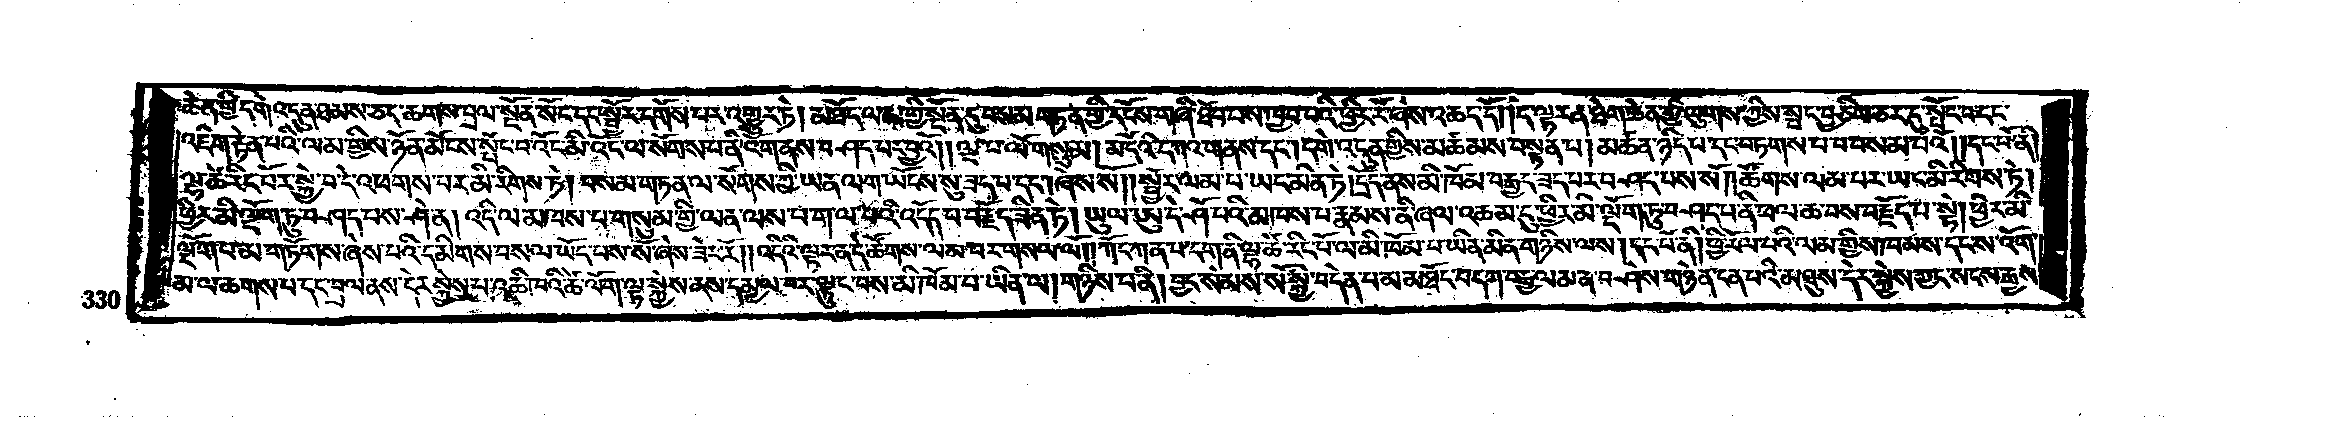ཆེན་གྱི་དགེ་འདུན་ཐམས་ཅད་ཆགས་བྲལ་སྔོན་སོང་དང་སྦྱོར་དགོས་པར་འགྱུར་ཏེ། མཐོང་ལམ་གྱི་སྔོན་དུ་བསམ་གཏན་གྱི་དངོས་གཞི་ཐོབ་པས་ཁྱབ་པའི་ཕྱིར་རོ་ཞེས་འཆད་དོ། །དེ་ལྟར་ན་ཐེག་ཆེན་གྱི་ལུགས་ཀྱིས་སྤང་བྱ་ཅིག་ཅར་དུ་སྤོང་བ་དང་
འཇིག་རྟེན་པའི་ལམ་གྱིས་ཉོན་མོངས་སྤོང་བ་འོང་མི་འོང་ལ་སོགས་པ་ནི་འོག་ནས་བཤད་པར་བྱའོ། །ལྔ་པ་ལ་གསུམ། མདོའི་དཀའ་གནས་དང་། དགེ་འདུན་གྱིས་མཚམས་བསྟན་པ། མཚན་ཉིད་པ་དང་བཏགས་པ་བ་བསམ་པའོ། །དང་པོ་ནི།
ལྷ་ཚེ་རིང་པོར་སྐྱེ་བ་རེ་འཕགས་པར་མི་རིགས་ཏེ། བསམ་གཏན་ལ་སོགས་ཀྱི་ཡན་ལག་ཡོངས་སུ་ཟད་པ་དང་། ཞེས་སོ། །སྦྱོར་ལམ་པ་ཡང་མིན་ཏེ། དྲོད་ནས་མི་ཁོམ་བརྒྱད་ཟད་པར་བཤད་པས་སོ། །ཚོགས་ལམ་པར་ཡང་མི་རིགས་ཏེ།
ཕྱིར་མི་ལྡོག་ཏུ་བཤད་པས་ཤེ་ན། འདི་ལ་མཁས་པ་གསུམ་གྱི་ལན་ལས་པ་ག་ལ་པའི་འདོད་པ་བརྗོད་ཟིན་ཏེ། ཡུལ་ཨུ་དེ་ཤོ་བའི་མཁས་པ་རྣམས་ནི་ཞལ་འཆམ་དུ་ཕྱིར་མི་ལྡོག་ཏུ་བཤད་པ་ནི་ཕལ་ཆེ་བས་བརྗོད་པ་སྟེ། ཕྱིར་མི་
ལྡོག་པ་མ་གཏོགས་ཞེས་པའི་དམིགས་བསལ་ཡོད་པས་སོ་ཞེས་ཟེར་རོ། །འདིའི་ལྟར་ན་དེ་ཚོགས་ལམ་བར་གསལ་ལོ། །ཀོང་ཀན་པ་དག་ནི་ལྷ་ཚེ་རིང་པོ་ལ་མི་ཁོམ་པ་ཡིན་མིན་གཉིས་ལས། དང་པོ་ནི། ཕྱི་རོལ་པའི་ལམ་གྱིས་ཁམས་དང་ས་འོག་
མ་ལ་ཆགས་པ་དང་བྲལ་ནས་དེར་སྐྱེས་པ་འཆི་ཁའི་ཚེ་ལོག་ལྟ་སྐྱེས་ནས་དམྱལ་བར་ལྟུང་བས་མི་ཁོམ་པ་ཡིན་ལ། གཉིས་པ་ནི། བྱང་སེམས་སོ་སྐྱེ་བདེན་པ་མ་མཐོང་བ་དག་པ་རྒྱ་ལམ་ན་བཤེས་གཉེན་ངན་པའི་མཐུས་དེར་སྐྱེས་ཀྱང་སངས་རྒྱས་